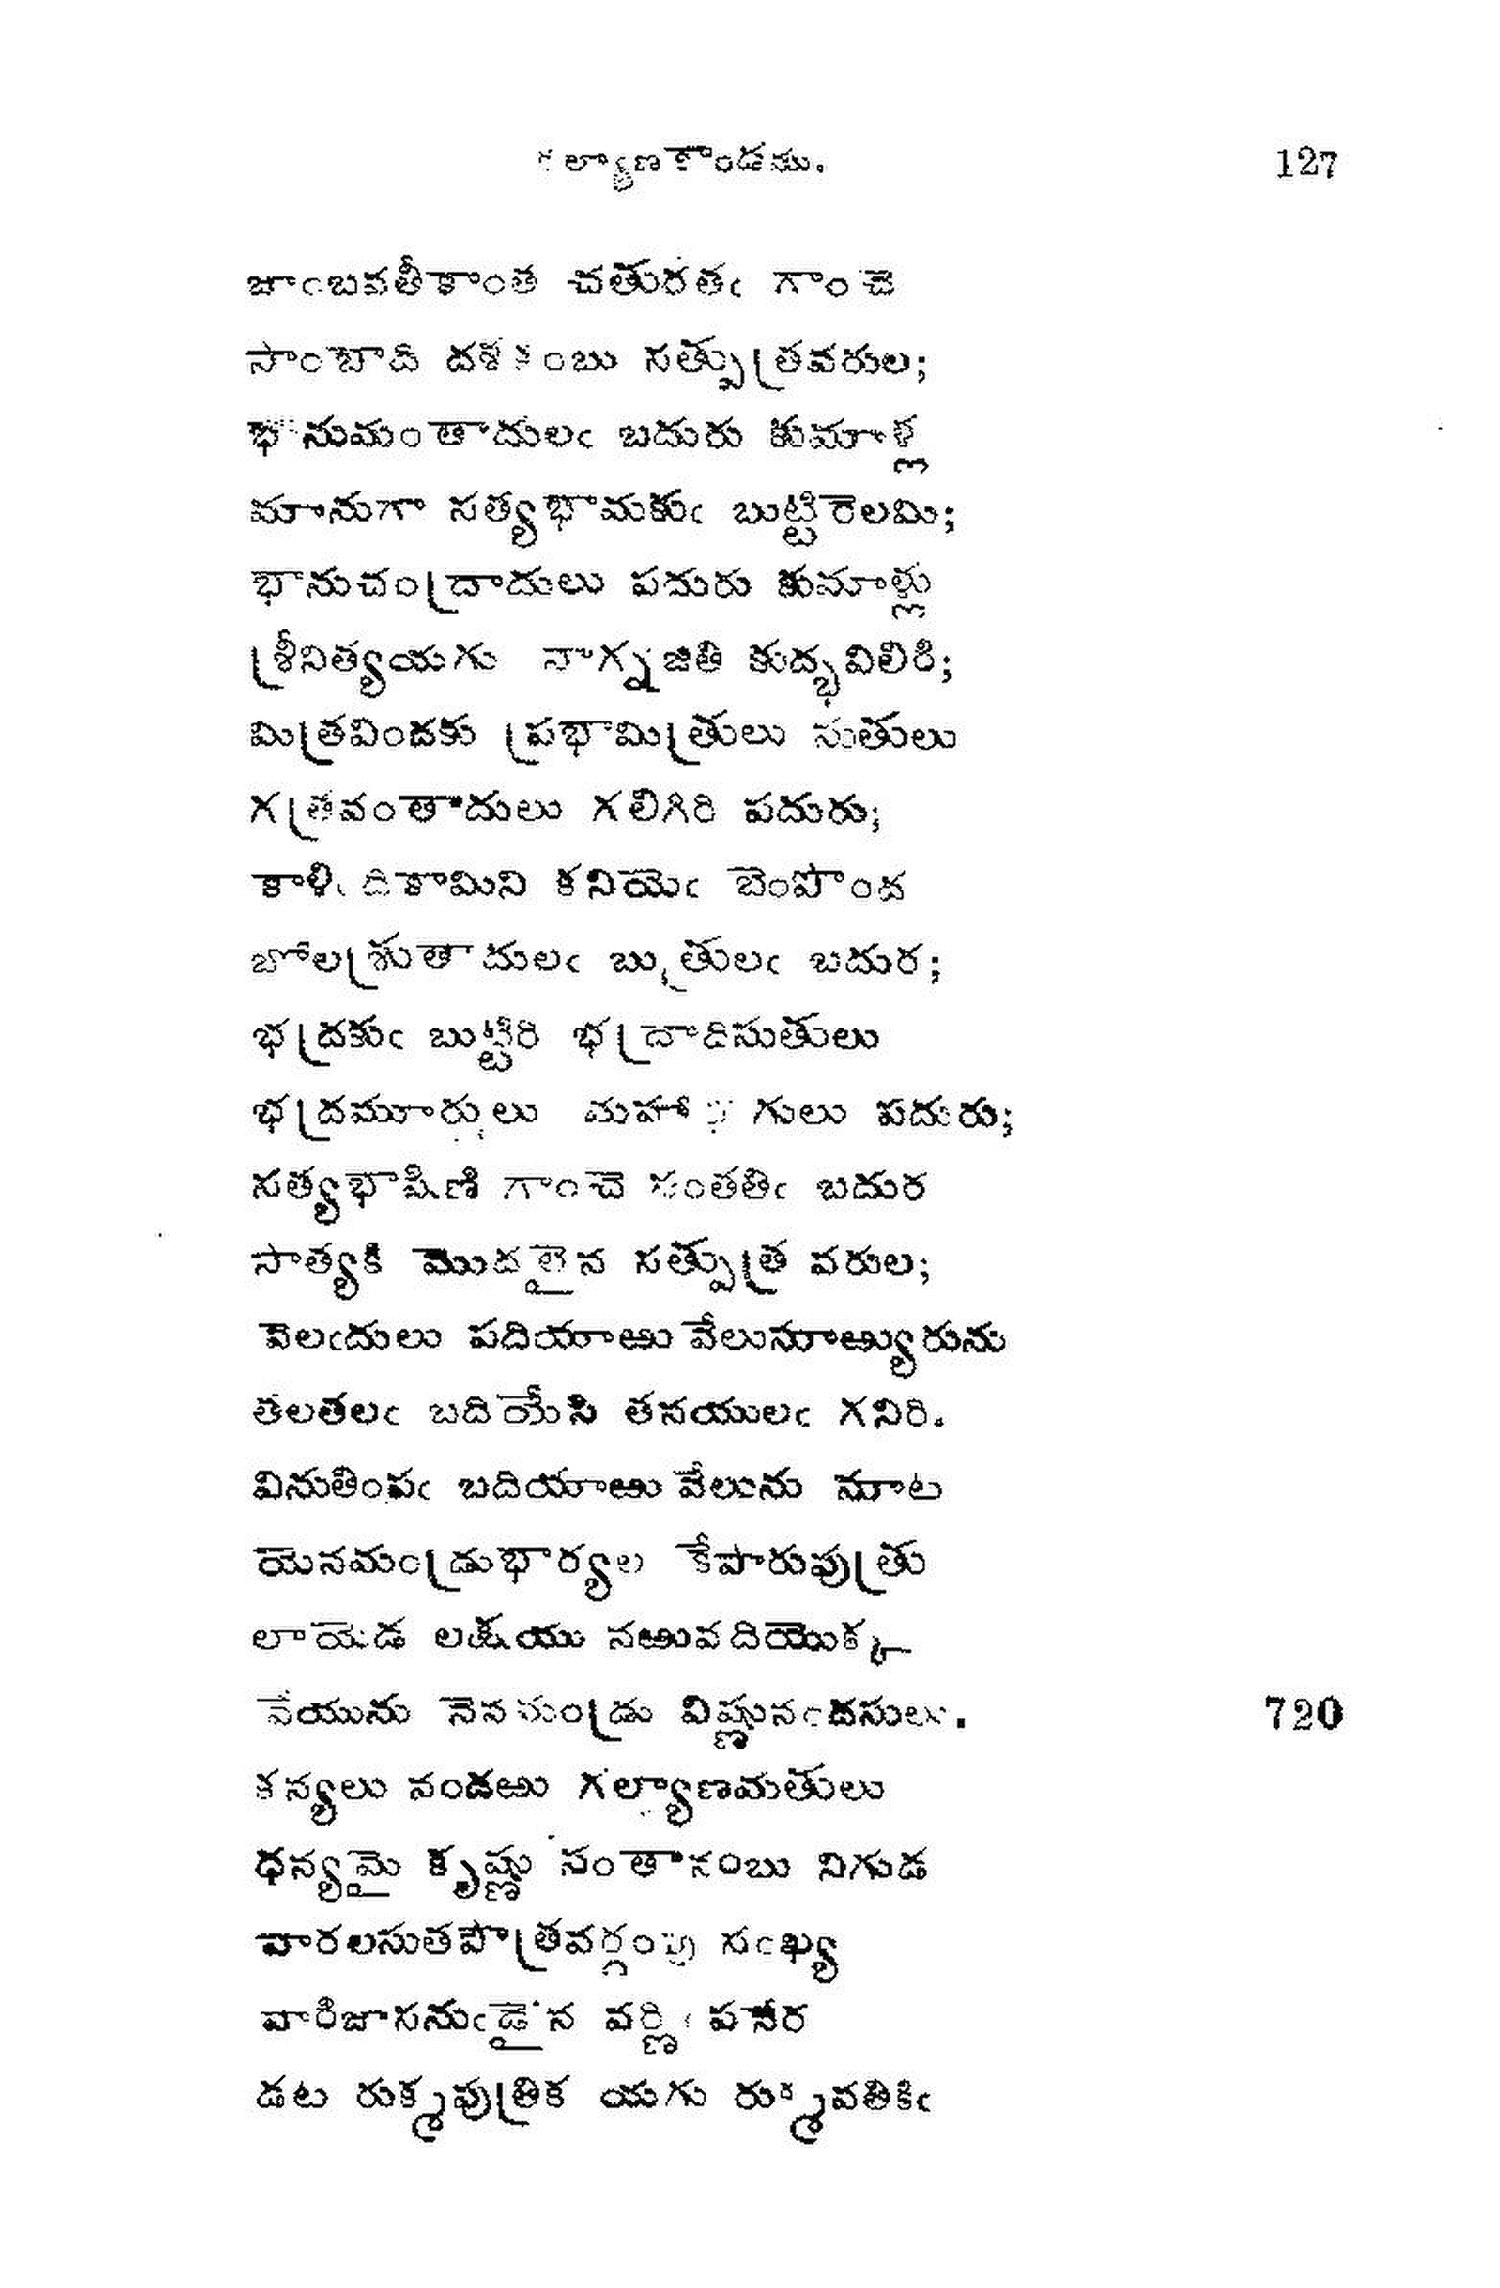జాంబవతీకాంత చతురతఁగాంచె
సాంబాది దశకంబు సత్పుత్రవరుల; 
భానుమంతాదులఁ బదురు కుమాళ్ల
మానుగా సత్యభామకుఁబుట్టిరెలమి; 
భానుచంద్రాదులు పదురు కుమాళ్లు 
శ్రీనిత్యయగు నాగ్నజితి కుద్భవిలిరి; 
మిత్రవిందకు ప్రభామిత్రులు సుతులు
గత్రవంతాదులు గలిగిరి పదురు; 
కాళింది కామిని కనియెఁ బెంపొంద
బోలశ్రుతాదులఁ బుత్రులఁ బదుర; 
భద్రకుఁ బుట్టిరి భద్రాదిసుతులు
భద్రమూర్తులు మహాభాగులు పదురు; 
సత్యభాషిణి గాంచె సంతతిఁ బదుర
సాత్యకి మొదలైన సత్పుత్రవరుల; 
వెలఁదులు పదియాఱువేలునూఱ్యురును
తలతలఁ బదియేసి తనయులఁగనిరి. 
వినుతింపఁ బదియాఱు వేలును నూట
యెనమండ్రుభార్యల కేపారుపుత్రు
లాయెడ లక్షయునఱువదియొక్క
వేయును నెనమండ్రు విష్ణునందనులు.
కన్యలునందఱు గల్యాణమతులు
ధన్యమై కృష్ణు సంతానంబు నిగుడ
వారలసుత పౌత్రవర్గంపు సంఖ్య
వారిజాసనుఁడైన వర్ణింపనేర
డట రుక్మపుత్రిక యగు రుక్మవతికిఁ